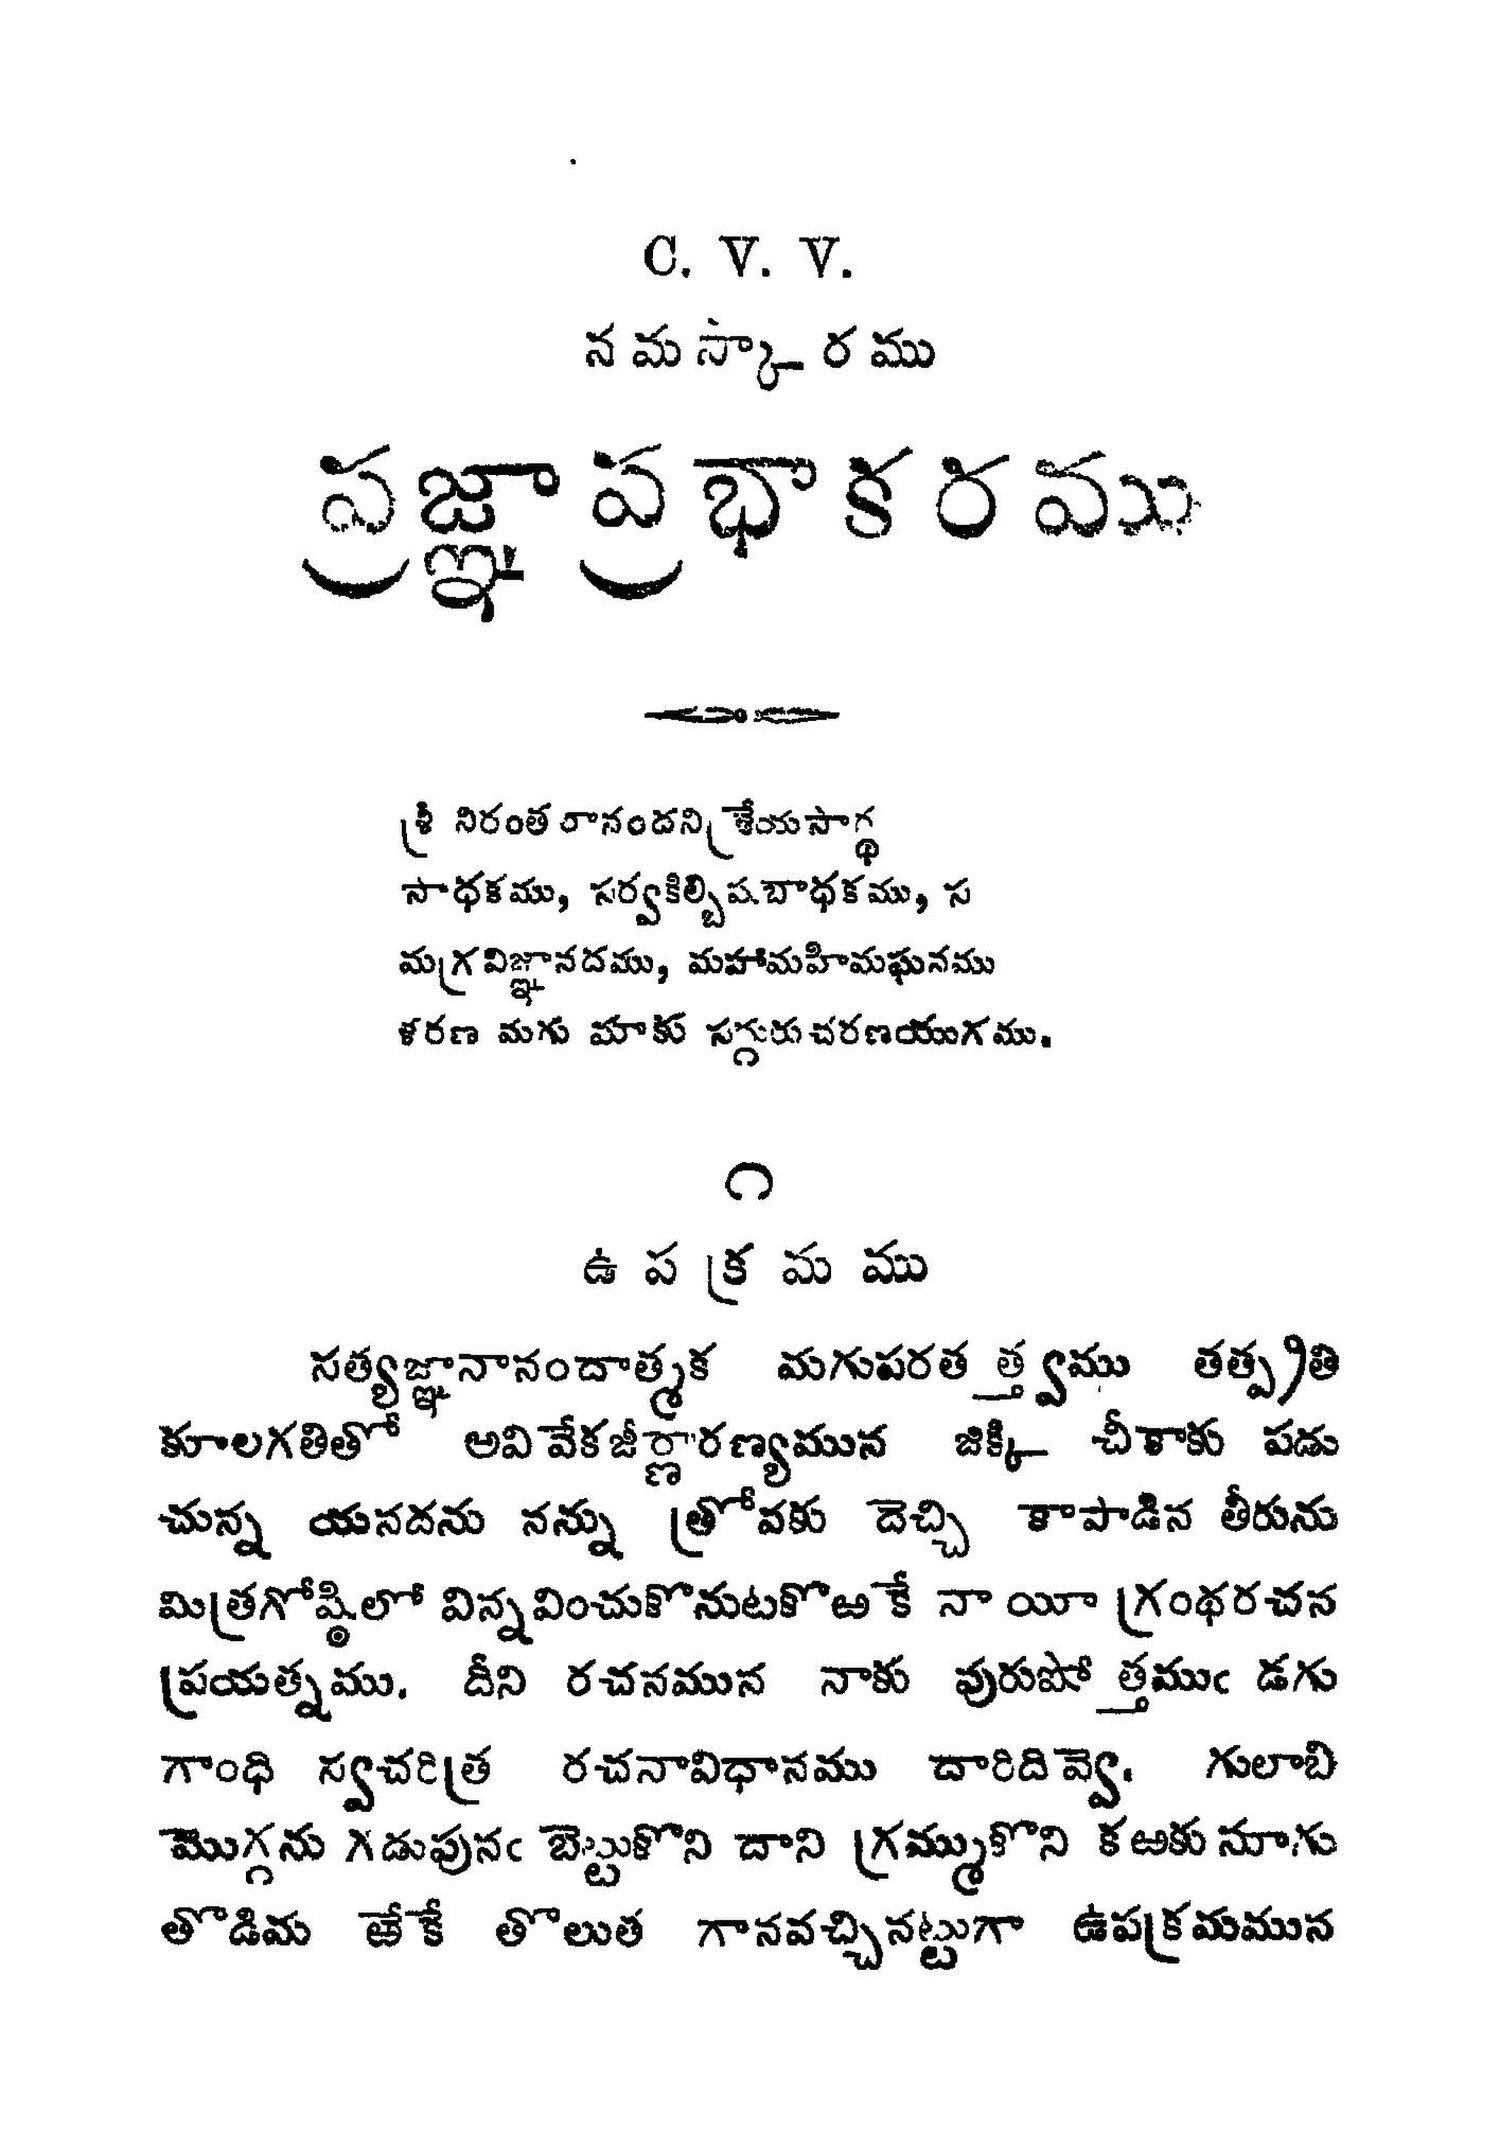శ్రీ నిరంత రానందని శ్రేయసార్ధ
 సాధకము, సర్వకిల్బిషబాధకము, స 
 మగ్రవిజ్ఞానదము, మహామహిమఘనము 
 శరణ మగు మాకు సద్గురుచరణయుగము

 
సత్యజ్ఞానందాత్మకమగు పరతత్త్వము తత్ప్రుతి కూలగతితో అవివేకజీర్ణారణ్యమున జిక్కి చీకాకు పడుచున్న యనదును నన్ను త్రోవకు దెచ్చి కాపాడిన తీరును మిత్రగోష్టిలో విన్నవించుకొనుటకొఱ కే నా యీ గ్రంధ రచన ప్రయత్నము. దీని రచనమున నాకు పురుషోత్తముఁ డగు గాంధి స్వచరిత్ర రచనావిధానము దారిదివ్వె. గులాబి మొగ్గను గడుపునఁ బెట్టుకొని దాని గ్రంముకొని కఱకు నూగు తొడిమ ఱేకేతొలుత గాన వచ్చినట్టుగా ఉపక్రమమున